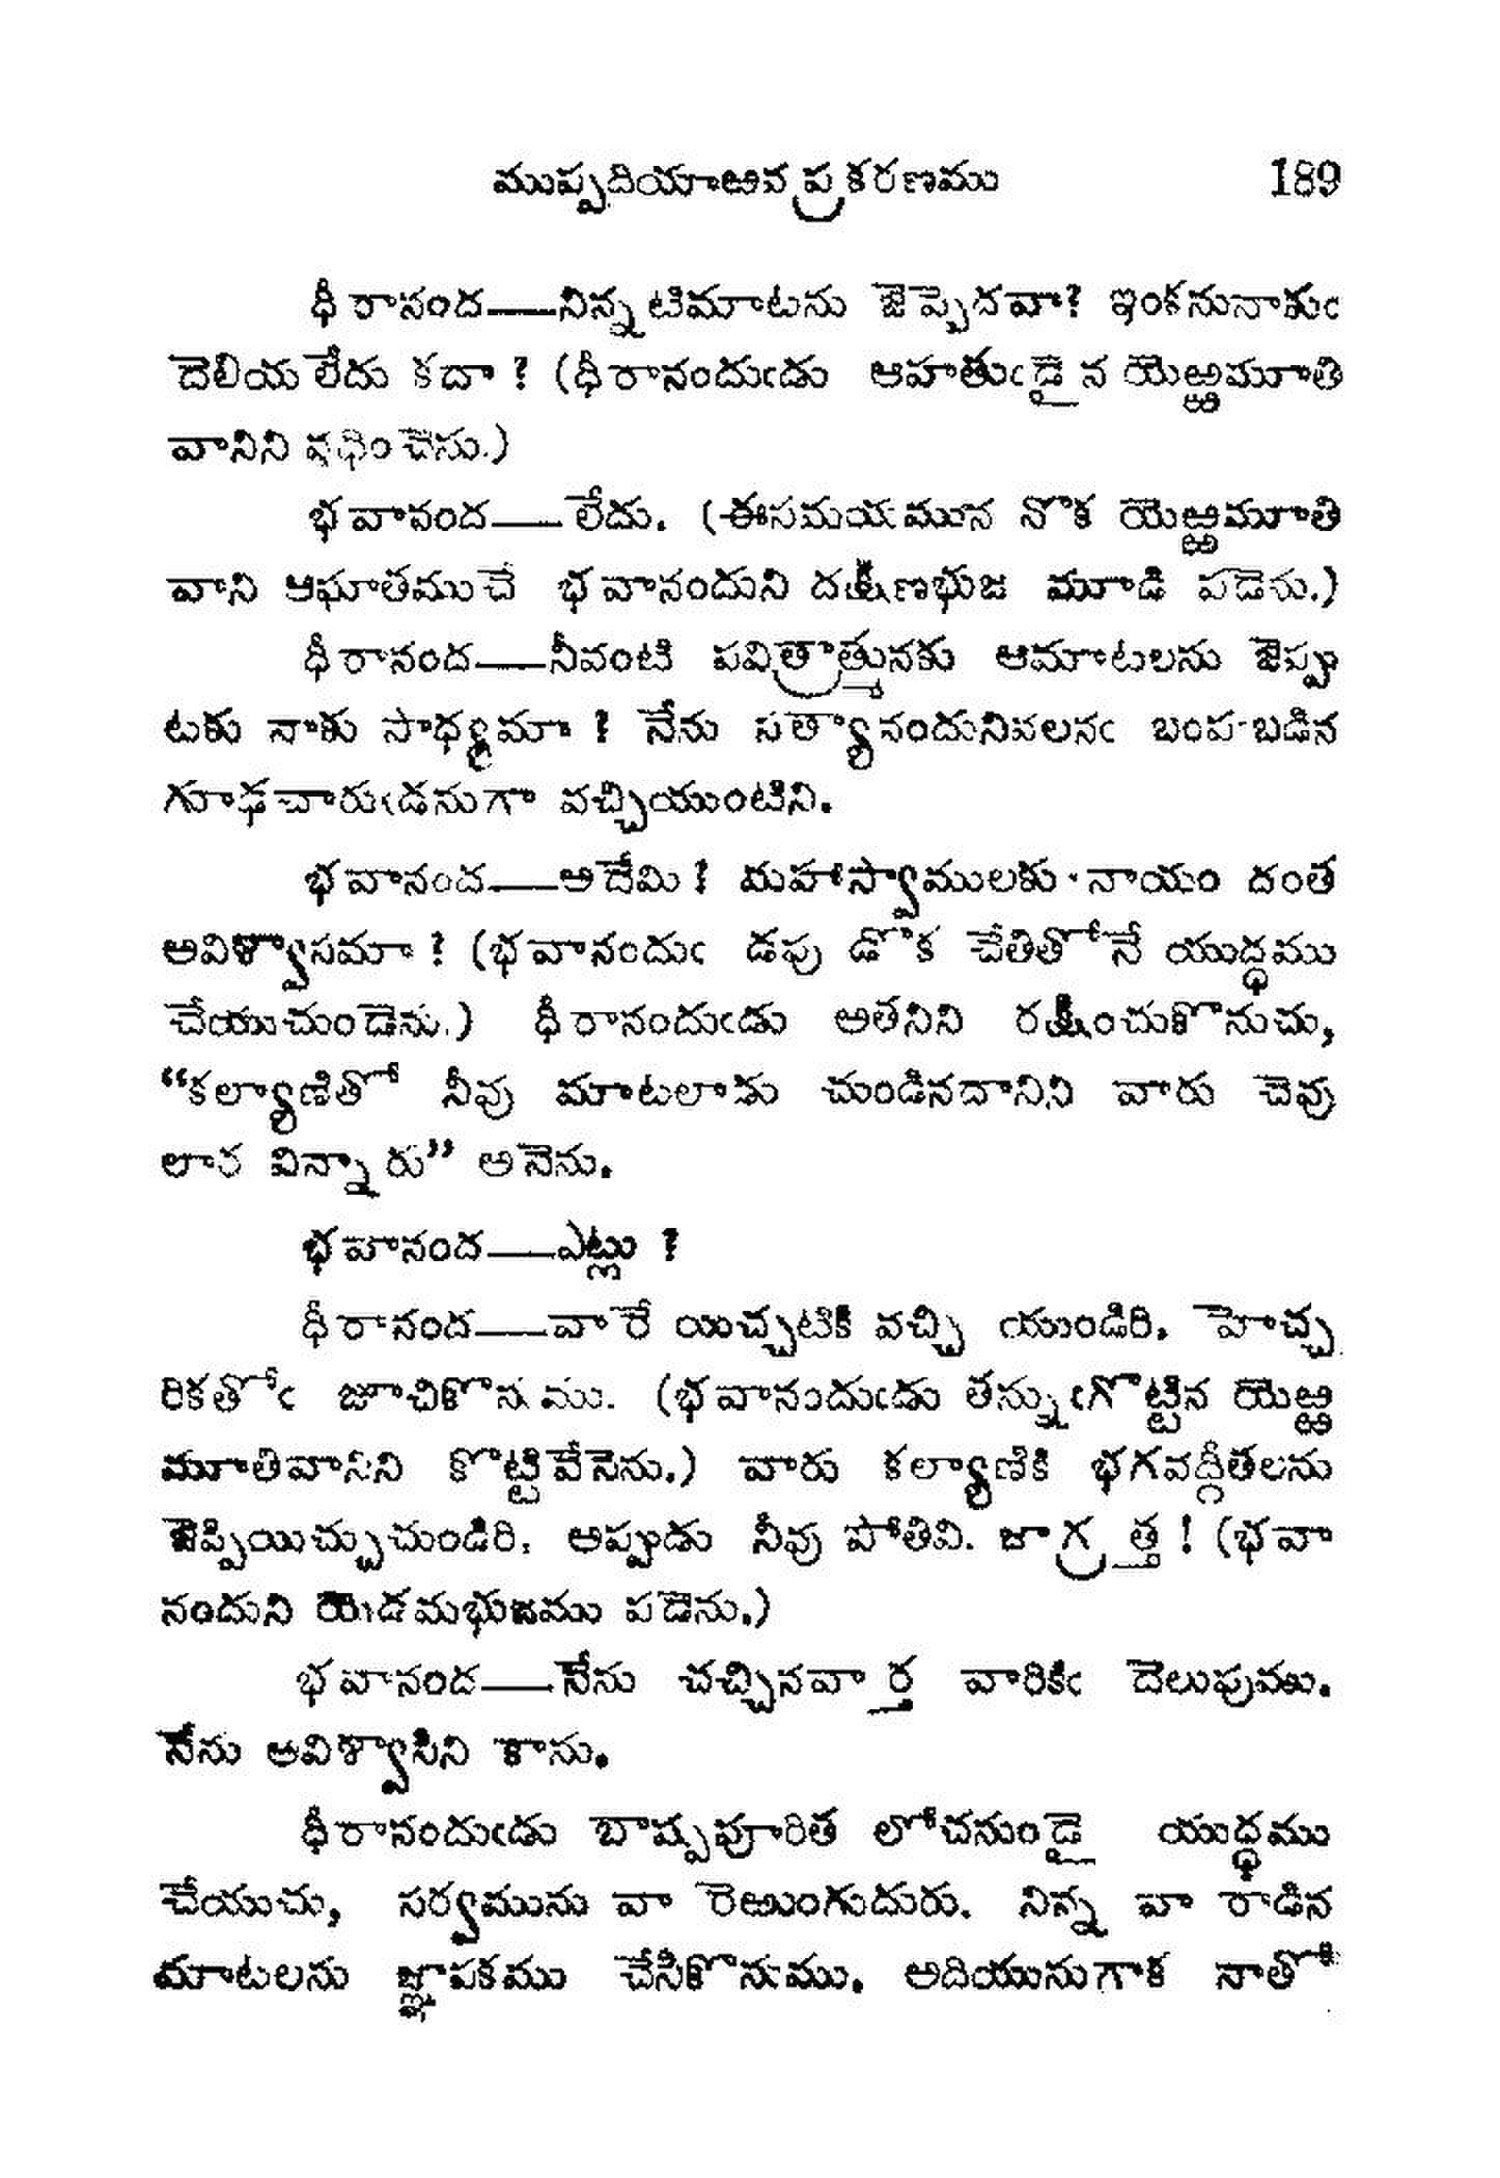ధీరానంద—— నిన్నటిమాటను జెప్పెదవా? ఇంకనునాకుఁ దెలియలేదు కదా ! (ధీరానందుఁడు ఆహతుఁడైన యెఱ్ఱమూతి
వానిని వధించేను.)

భవానంద—— లేదు. (ఈసమయమున నొక యెఱ్ఱమూతి వాని అఘాతముచే భవానందుని దక్షిణభుజ మూడి పడెను.)

ధీరానంద — నీవంటి పవిత్రాత్మునకు ఆమాటలను జెప్పుటకు నాకు సాధ్యమా ? నేను సత్యానందునివలనఁ బంప బడిన
గూఢచారుఁడనుగా వచ్చియుంటిని.

భవానంద——అదేమి ! మహాస్వాములకు నాయం దంత అవిశ్వాసమా ! (భవానందుఁ డపు డోక చేతితోనే యుద్ధము
చేయుచుండెను.) ధీరానందుఁడు అతనిని రక్షించుకొనుచు, “కల్యాణితో నీవు మాటలాడు చుండినదానిని వారు చెవులార విన్నారు” అనెను.

భవానంద——ఎట్లు ?

ధీరానంద——వారే యిచ్చటికి వచ్చి యుండిరి, హెచ్చరికతోఁ జూచికొనుము. (భవానందుఁడు తన్నుఁ గొట్టిన యెఱ్ఱ
మూతివానిని కొట్టివేసెను.) వారు కల్యాణికి భగవద్గీతలను జెప్పియిచ్చుచుండిరి. అప్పుడు నీవు పోతివి.జాగ్రత్త ! (భవానందుని యెడమభుజము పడెను.)

భవానంద——నేను చచ్చినవార్త వారికిఁ దెలుపుము. నేను అవిశ్వాసిని కాను.

ధీరానందుఁడు బాష్పపూరిత లోచనుండై యుద్ధము చేయుచు, సర్వమును వా రెఱుంగుదురు. నిన్న వా రాడిన మాటలను జ్ఞాపకము చేసికొనుము. అదియునుగాక నాతో